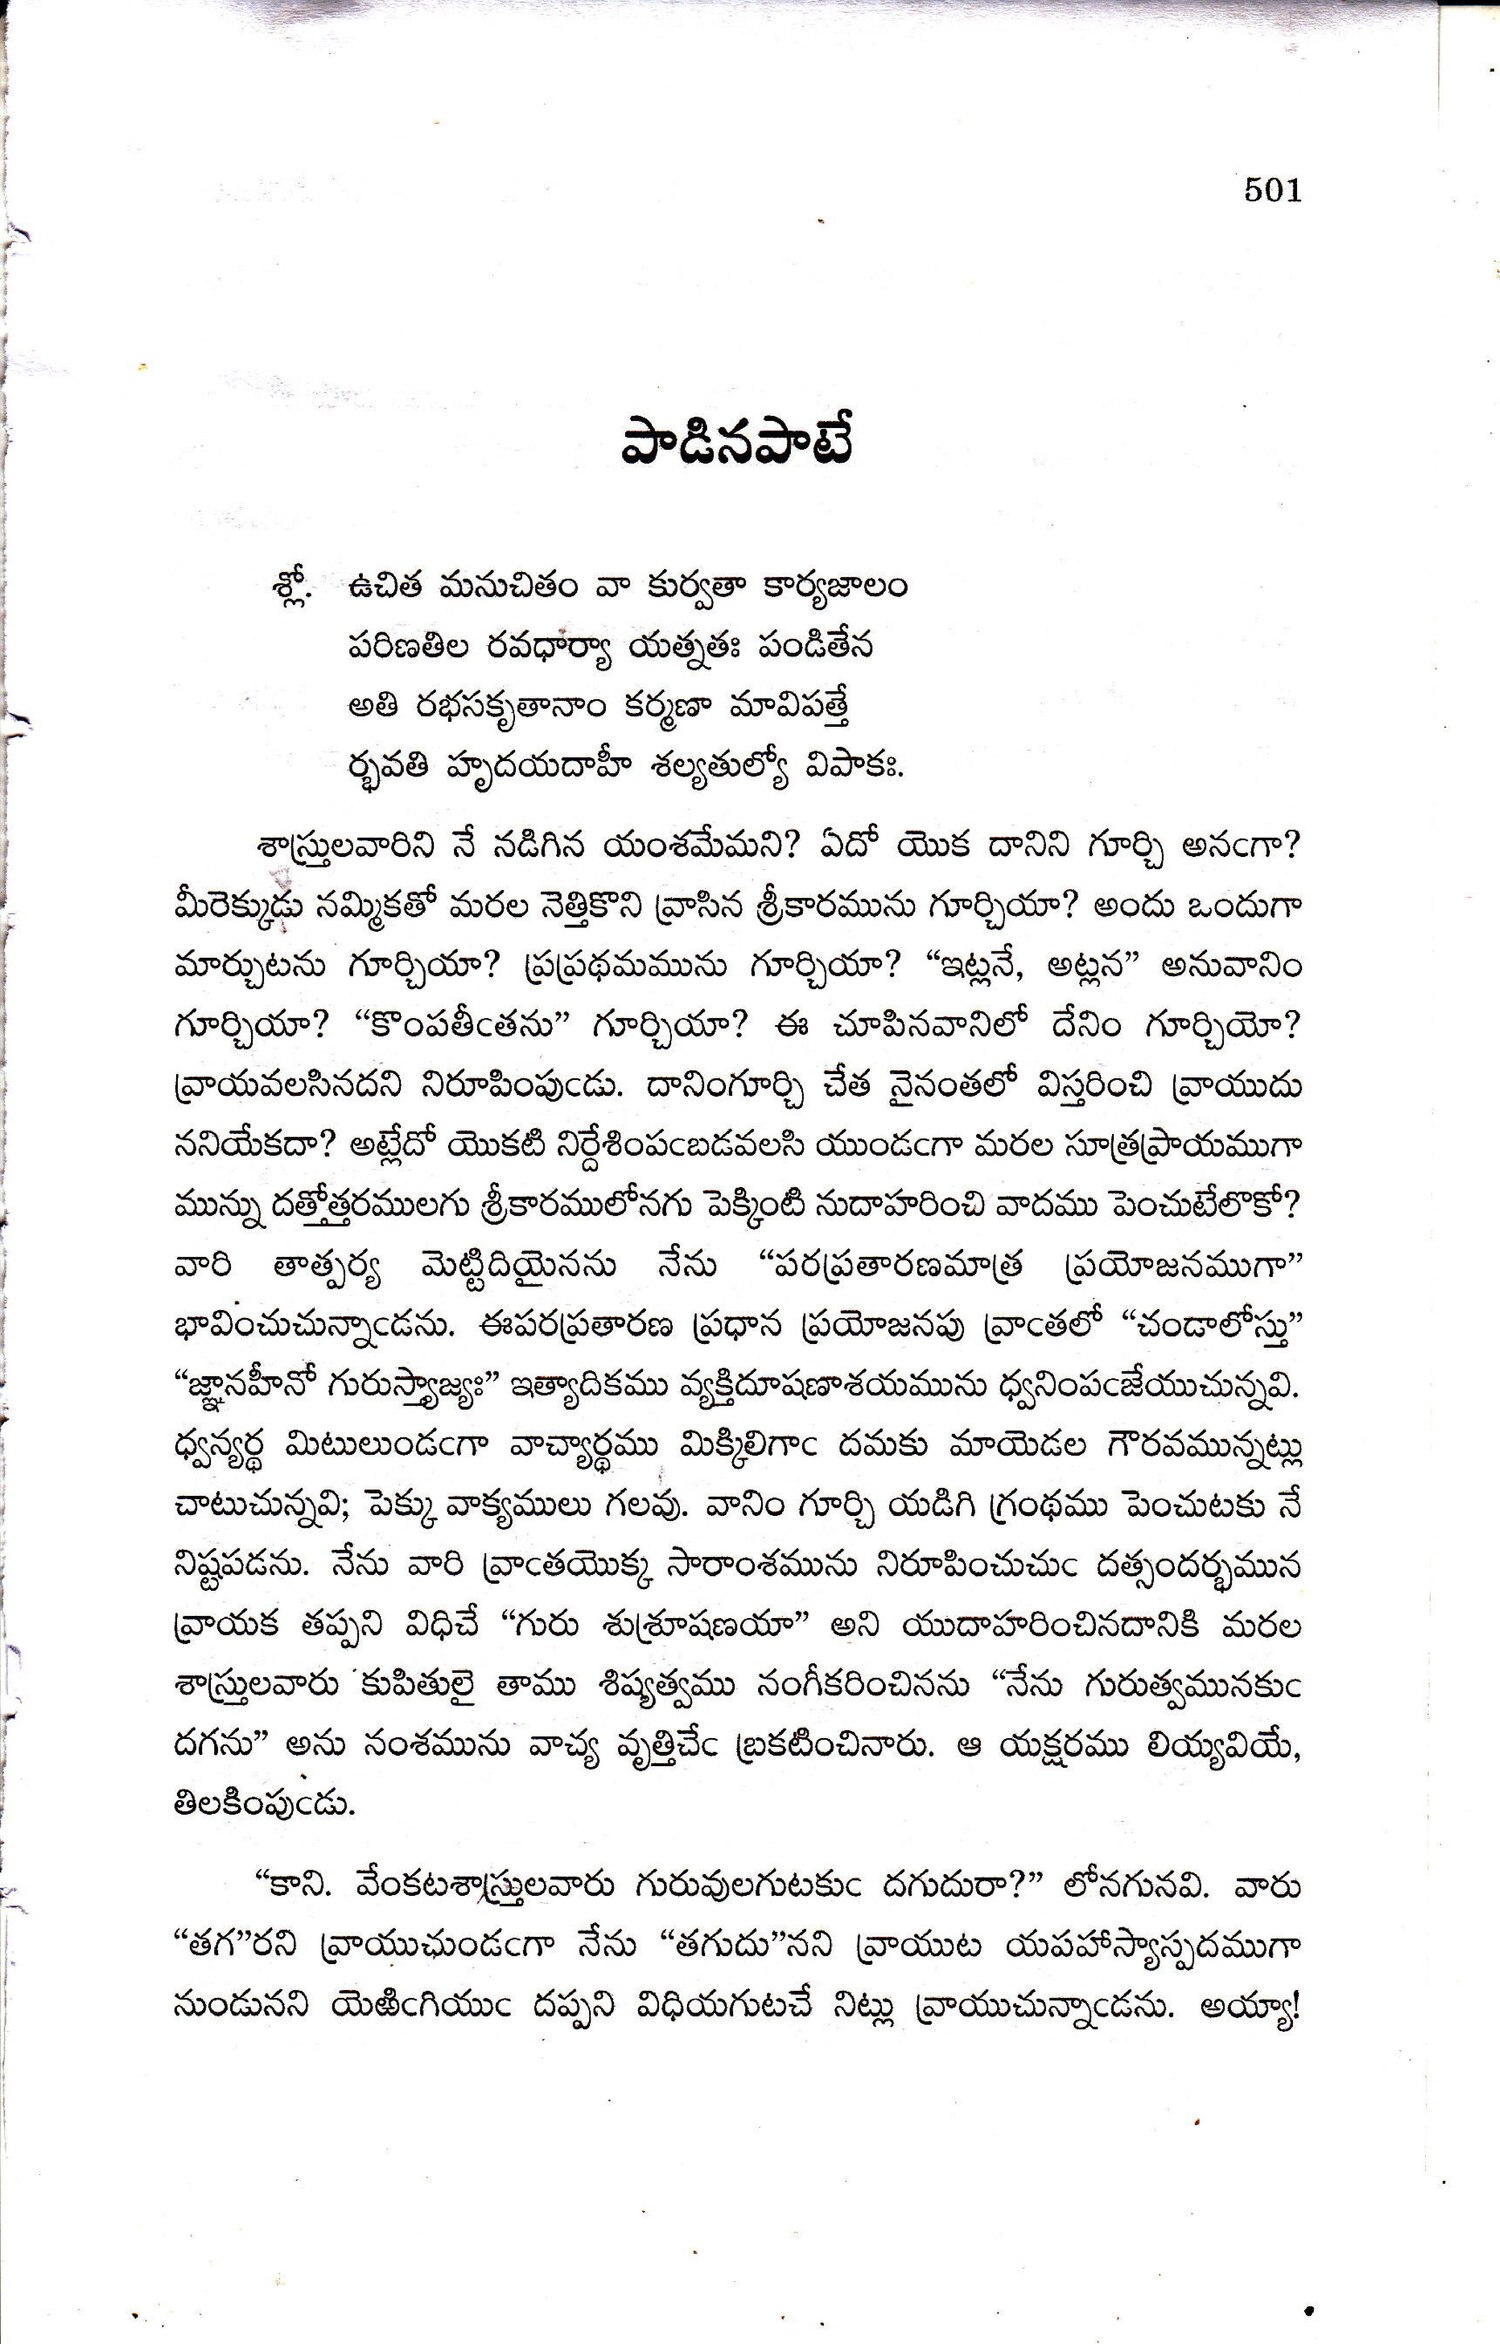పాడినపాటే

శ్లో. ఉచిత మనుచితం వా కుర్వతా కార్యజాలం 
 పరిణతిల రవధార్యా యత్నతః పండితేన 
 అతి రభసకృతానాం కర్మణా మావిపత్తే 
 ర్భవతి హృదయదాహీ శల్యతుల్యో విపాకః.
శాస్త్రులవారిని నే నడిగిన యంశమేమని? ఏదో యొక దానిని గూర్చి అనఁగా? మీరెక్కుడు నమ్మికతో మరల నెత్తికొని వ్రాసిన శ్రీకారమును గూర్చియా? అందు ఒందుగా మార్చుటను గూర్చియా? ప్రప్రథమమును గూర్చియా? “ఇట్లనే, అట్లన" అనువానిం గూర్చియా? "కొంపతీఁతను” గూర్చియా? ఈ చూపినవానిలో దేనిం గూర్చియో? వ్రాయవలసినదని నిరూపింపుఁడు. దానింగూర్చి చేత నైనంతలో విస్తరించి వ్రాయుదు ననియేకదా? అట్లేదో యొకటి నిర్దేశింపఁబడవలసి యుండఁగా మరల సూత్రప్రాయముగా మున్ను దత్తోత్తరములగు శ్రీకారములోనగు పెక్కింటి నుదాహరించి వాదము పెంచుటేలొకో? వారి తాత్పర్య మెట్టిదియైనను నేను "పరప్రతారణమాత్ర ప్రయోజనముగా" భావించుచున్నాఁడను. ఈపరప్రతారణ ప్రధాన ప్రయోజనపు వ్రాఁతలో "చండాలోస్తు" “జ్ఞానహీనో గురుస్త్యాజ్యః" ఇత్యాదికము వ్యక్తిదూషణాశయమును ధ్వనింపఁజేయుచున్నవి. ధ్వన్యర్థ మిటులుండఁగా వాచ్యార్థము మిక్కిలిగాఁ దమకు మాయెడల గౌరవమున్నట్లు చాటుచున్నవి; పెక్కు వాక్యములు గలవు. వానిం గూర్చి యడిగి గ్రంథము పెంచుటకు నే నిష్టపడను. నేను వారి వ్రాఁతయొక్క సారాంశమును నిరూపించుచుఁ దత్సందర్భమున వ్రాయక తప్పని విధిచే “గురు శుశ్రూషణయా" అని యుదాహరించినదానికి మరల శాస్త్రులవారు కుపితులై తాము శిష్యత్వము నంగీకరించినను “నేను గురుత్వమునకుఁ దగను" అను నంశమును వాచ్య వృత్తిచేఁ బ్రకటించినారు. ఆ యక్షరము లియ్యవియే, తిలకింపుఁడు.

“కాని. వేంకటశాస్త్రులవారు గురువులగుటకుఁ దగుదురా?" లోనగునవి. వారు “తగ”రని వ్రాయుచుండఁగా నేను "తగుదు"నని వ్రాయుట యపహాస్యాస్పదముగా నుండునని యెఱిఁగియుఁ దప్పని విధియగుటచే నిట్లు వ్రాయుచున్నాఁడను. అయ్యా!